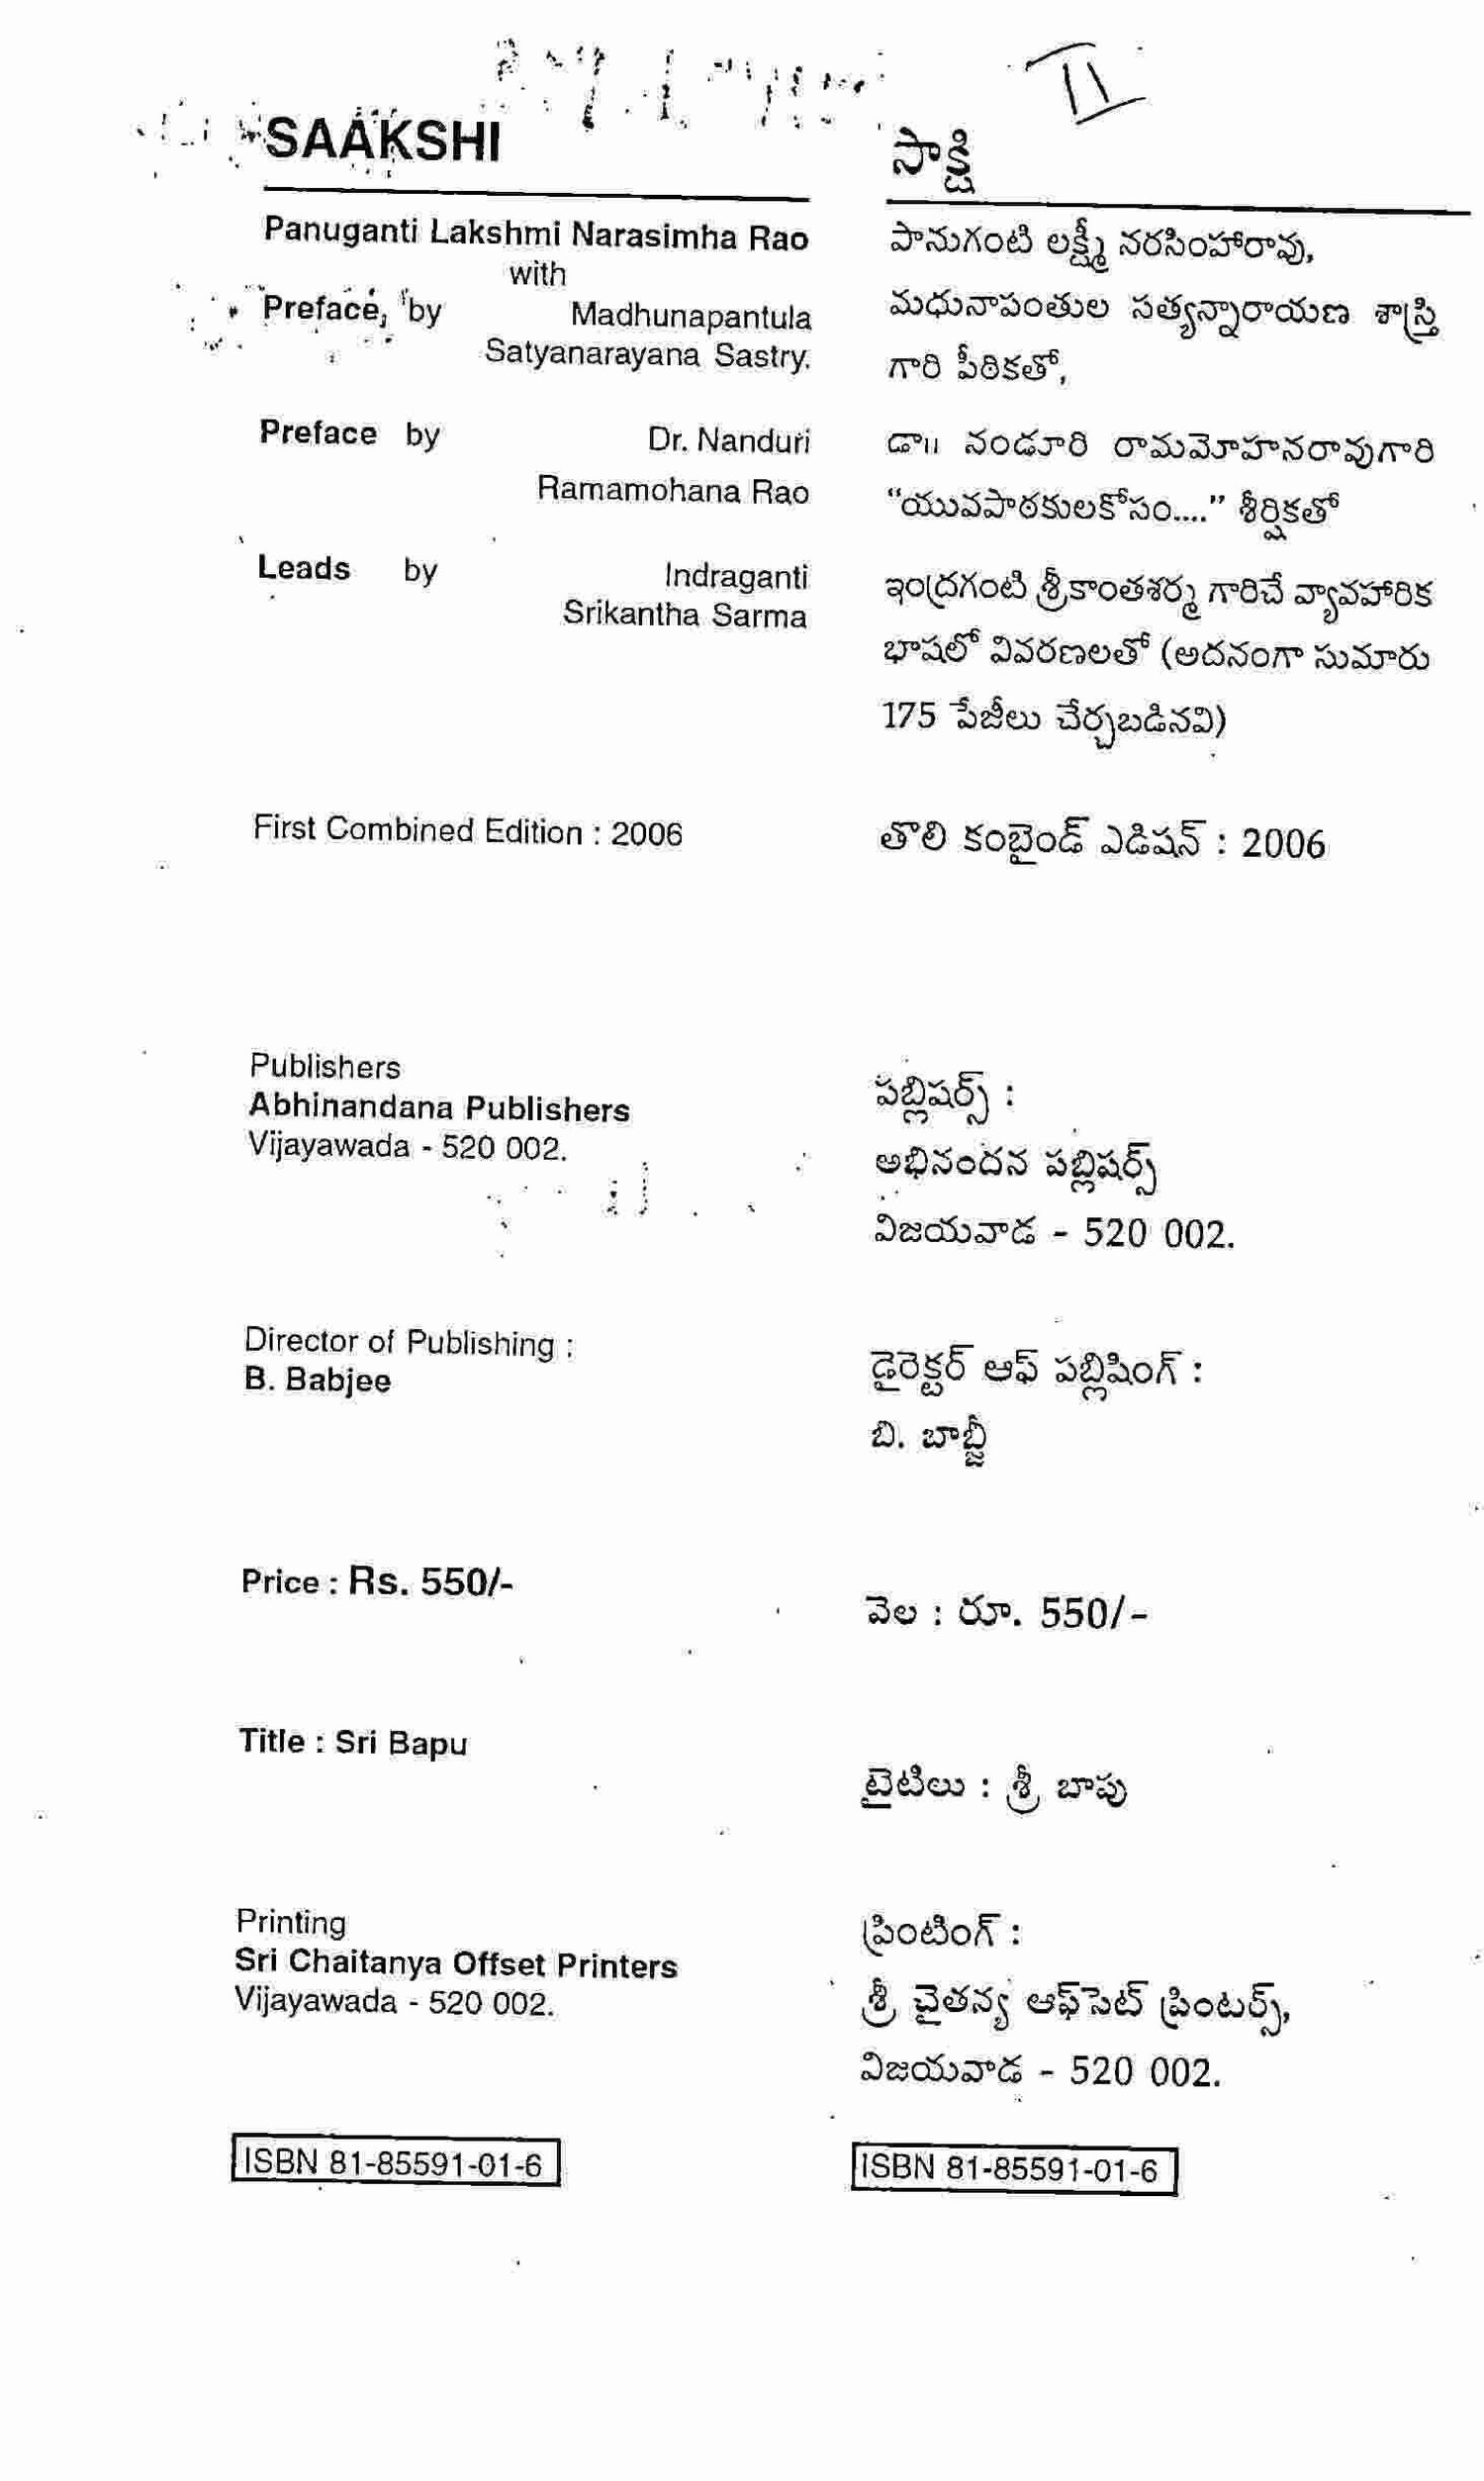Preface
by
Madhunapantula Satyanarayana Sastry. 

Preface
by
Dr. Nanduri Ramamohana Rao. 

Preface
by
Indraganti Srikantha Sarma. 

First Combined Edition : 2006

Publishers

Abhinandana Publishers

Vijayawada - 520 002.

Director of Publishing : 

B. Babjee

 Price : 

 Title : Sri Bapu 

Printing

 Sri Chaitanya Offset Printers 

Vijayawada - 520 002.

ISBN 81-85591-01-6మధునాపంతుల సత్యనారాయణ శాస్త్రి గారి పీఠికతో, 

డా❘❘ నండూరి రామమోహనరావుగారి "యువపాఠకులకోసం.... " శీర్షిక తో 
ఇంద్రగంటి శ్రీకాంతశర్మ గారిచే వ్యావహారిక భాషలో వివరణలతో (అదనంగా సుమారు 175 పేజీలు చేర్చబడినవి)
 

తొలి కంబైన్డ్ ఎడిషన్ : 2006

పబ్లిషర్స్

అభినందన పబ్లిషర్స్

విజయవాడ - 520 002.

డైరెక్టర్ అఫ్ పబ్లిషింగ్ : 

బి. బాబ్జీ

వెల : 

 టైటిలు : శ్రీ బాపు 

ప్రింటింగ్

శ్రీ చైతన్య ఆఫ్సెట్ ప్రింటర్స్

విజయవాడ - 520 002.

ISBN 81-85591-01-6